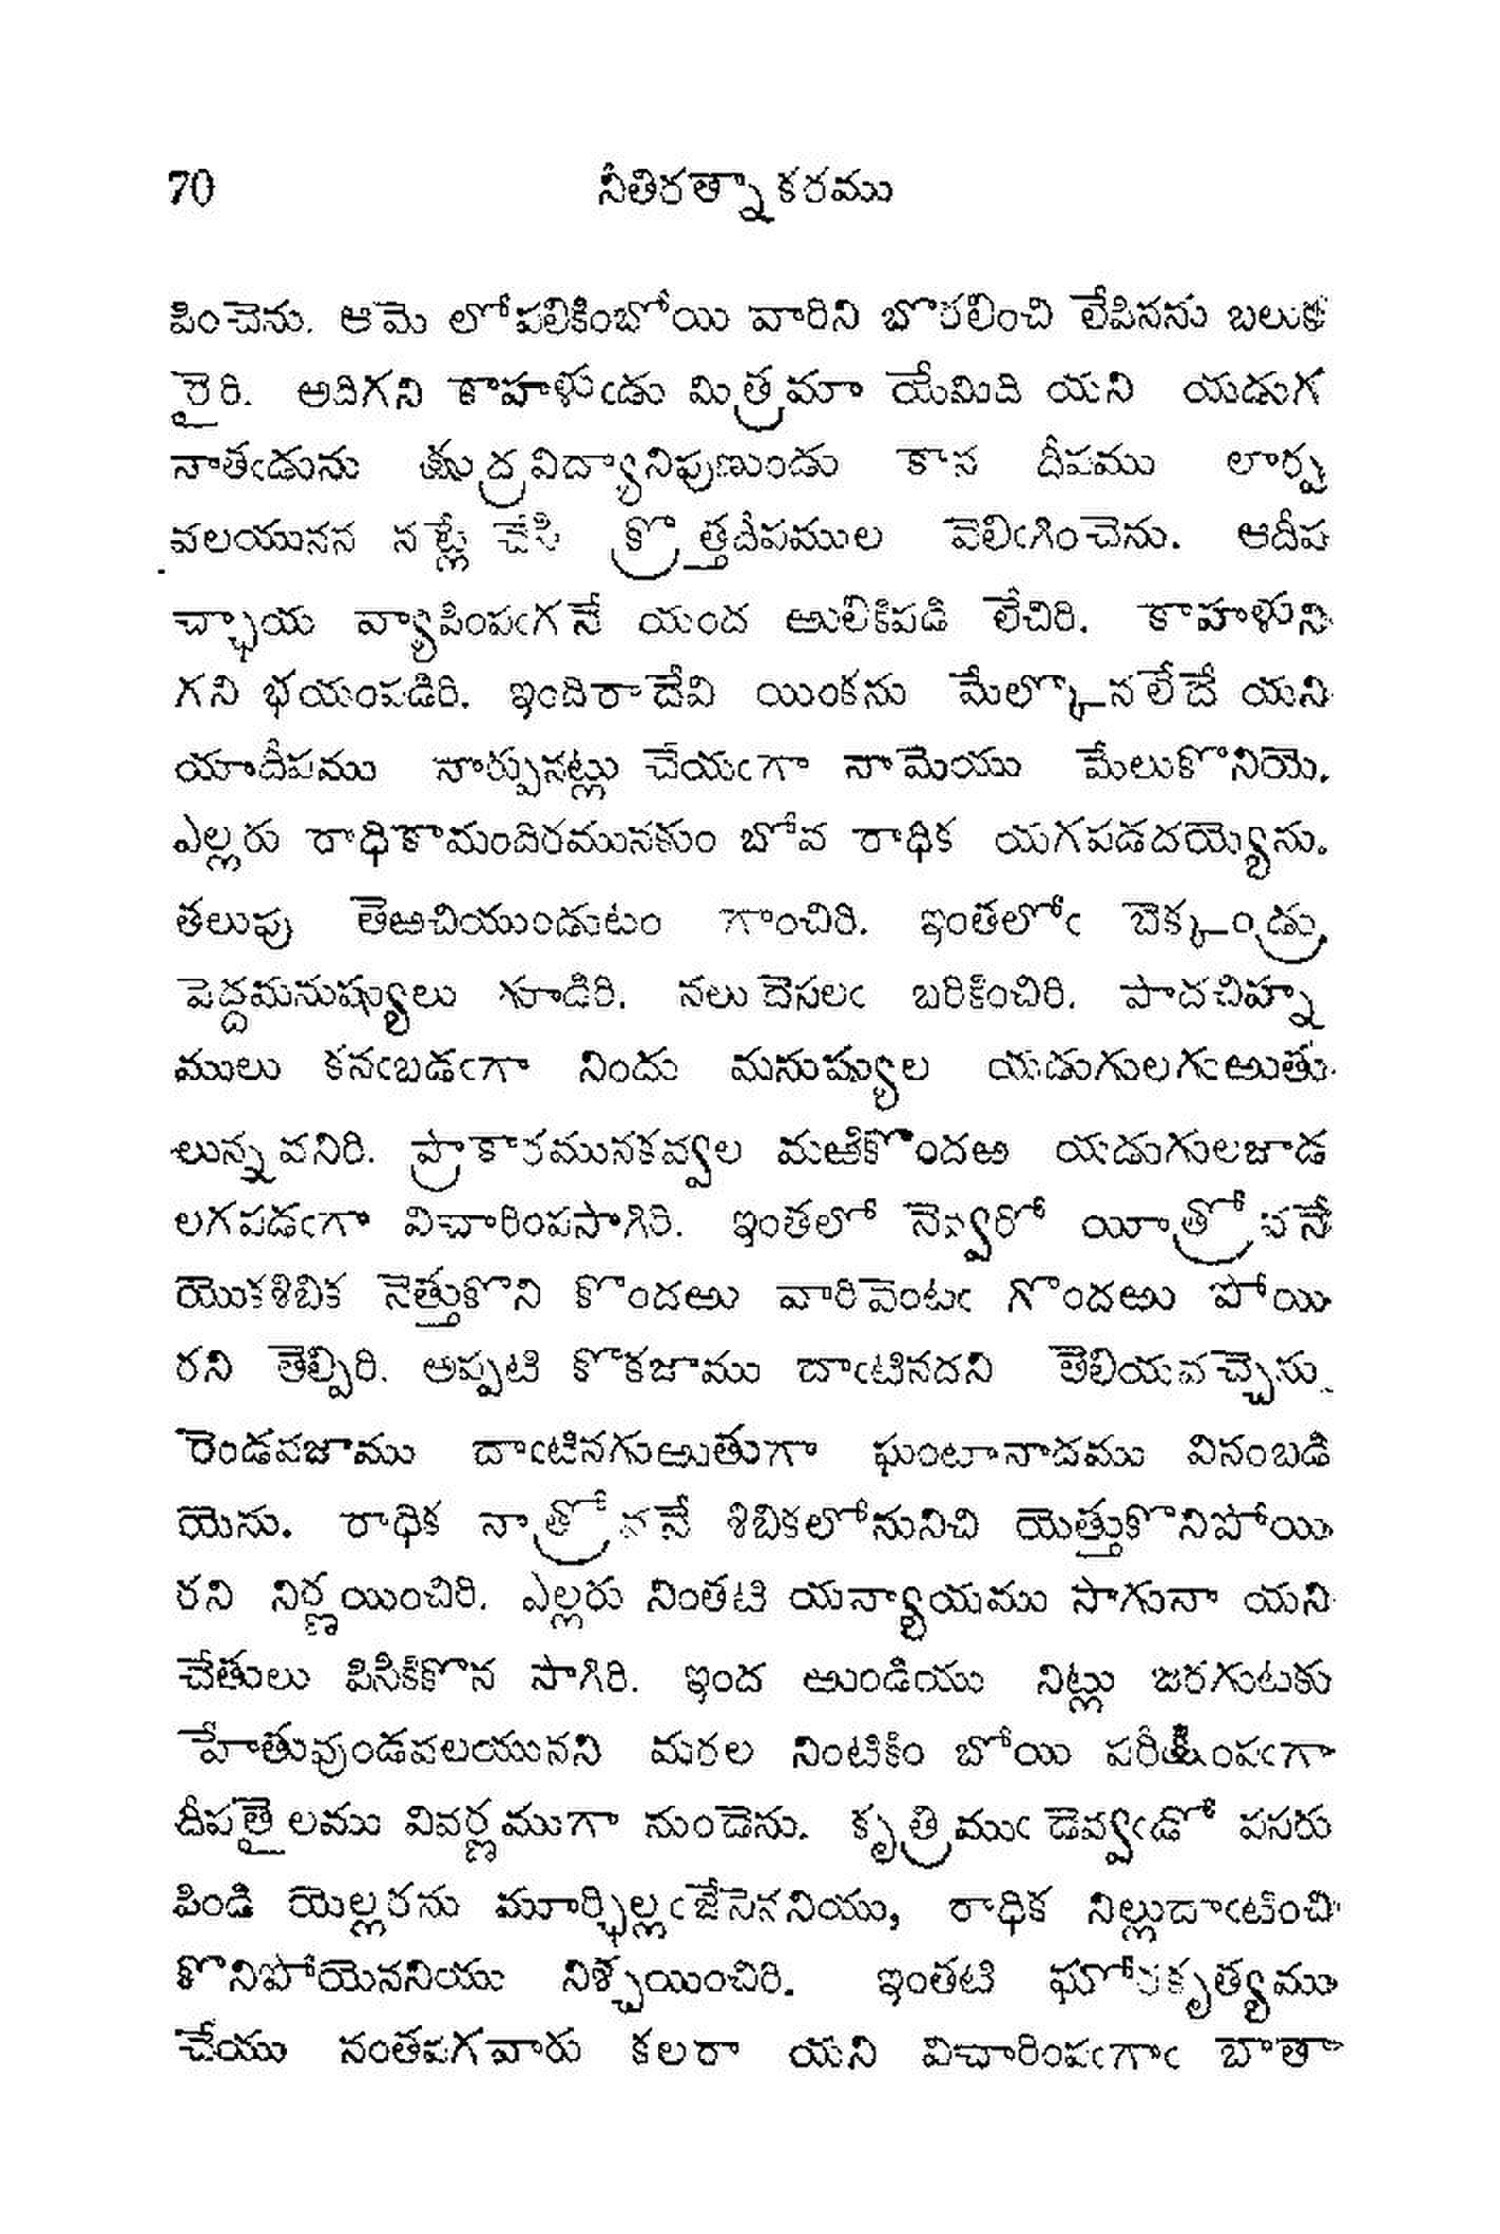పించెను. ఆమె లోపలికింబోయి వారిని బొరలించి లేపినను బలుకరైరి. అదిగని కాహళుఁడు మిత్రమా యేమిది యని యడుగ నాతఁడును క్షుద్ర విద్యా నిపుణుండు కాన దీపము లార్ప వలయునన నట్లే చేసి కొత్తదీపముల వెలిగించెను. ఆదీపచ్ఛాయ వ్యాపింపఁగ నే యందఱులికిపడి లేచిరి. కాహళుని గని భయం పడిరి. ఇందిరా దేవి. యింకను మేల్కొనలేదే యని యాదీపము నార్పునట్లు చేయఁగా నా మేయు మేలుకొనియె. ఎల్లరు రాధికామందిరమునకుం బోవ రాధిక యగపడదయ్యెను. తలుపు తెఱచియుండుటం గాంచిరి. ఇంతలోఁ 'బెక్కంద్రు, పెద్దమనుష్యులు గూడిరి. నలు దెసలఁ బరికించిరి. పాదచిహ్నములు కనఁబడఁగా నిందు మనుష్యుల యడుగులగుఱుతు లున్న వనిరి. ప్రాకారమున కవ్వల మఱికొందఱు యడుగులజాడ లగపడఁగా విచారింపసాగిరి. ఇంతలో నెవ్వరో యీత్రోవనే
యొక శిబిక నెత్తుకొని కొందఱు వారి వెంటఁ గొందఱు పోయిరని తెల్పిరి. అప్పటి కొకజాము దాఁటినదని తెలియవచ్చెను రెండవజాము దాఁటినగుఱుతుగా ఘంటానాదము వినంబడియెను. రాధిక నాత్రోవనే శిబికలోనునిచి యెత్తుకొనిపోయి రని నిర్ణయించిరి. ఎల్లరు నింతటి యన్యాయము సాగునా యని చేతులు పిసికికొన సాగిరి. ఇంద ఱుండియు నిట్లు జరగుటకు హేతువుండవలయునని మరల నింటికిం బోయి పరీక్షింపఁగా దీపతైలము వివర్ణముగా నుండెను. కృత్రిముఁ డెవ్వఁడో వసరు పిండి యెల్లరను మూర్ఛిల్లఁ జేసెననియు, రాధిక నిల్లుదాఁటించి కొనిపోయెననియు నిశ్చయించిరి. ఇంతటి ఘోర కృత్యము చేయు నంతపగవారు కలరా యని విచారింపఁగాఁ బాతా